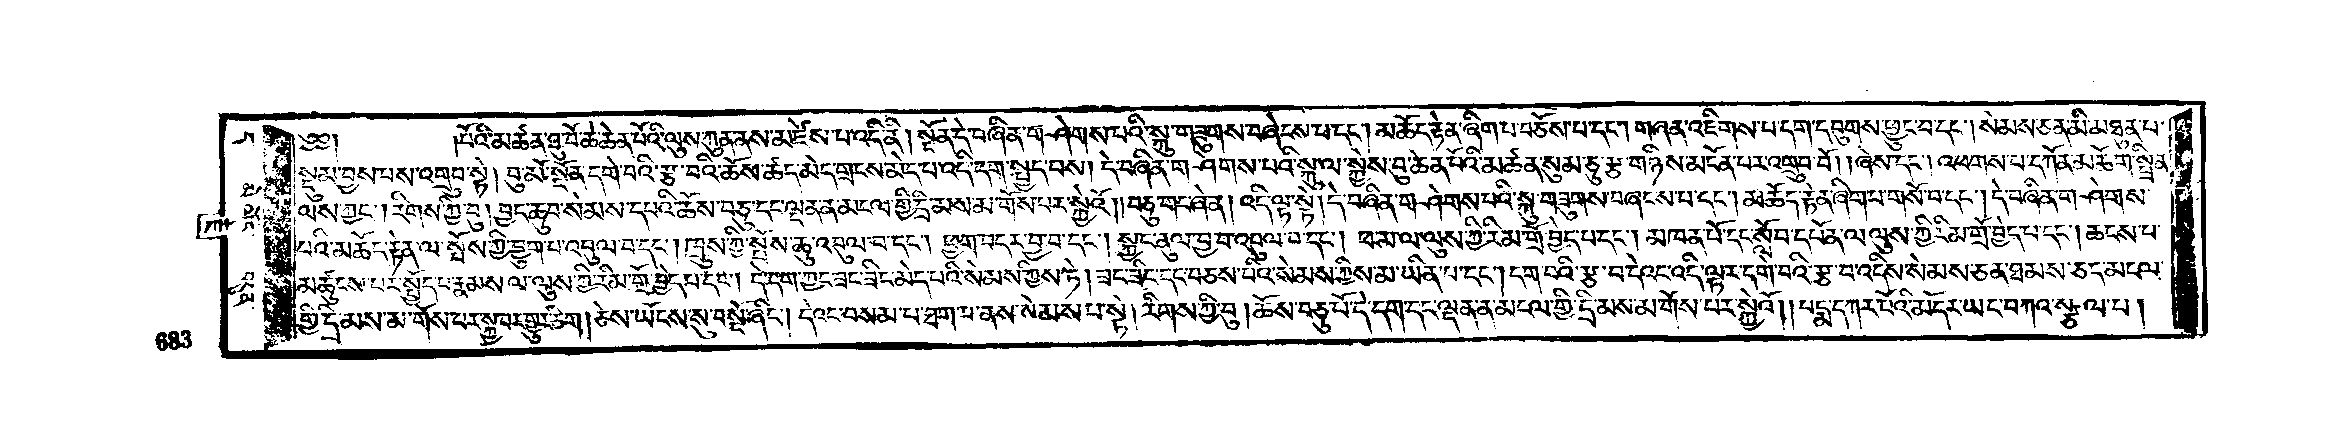༄༅། །པོའི་མཚན་ཐུ་བོ་ཆེ་ཆེན་པོའི་ལུས་ཀུན་ནས་མཛེས་པ་འདི་ནི། སྔོན་དེ་བཞིན་གཤེགས་པའི་སྐུ་གཟུགས་བཞེངས་པ་དང་། མཆོད་རྟེན་ཞིག་པ་བཅོས་པ་དང་། གཞན་འཇིགས་པ་དག་དབུགས་ཕྱུང་བ་དང་། སེམས་ཅན་མི་མཐུན་པ་
སྡུམ་བྱས་པས་འགྲུབ་སྟེ། བུ་མོ་སྔོན་དགེ་བའི་རྩ་བའི་ཆོས་ཚད་མེད་གྲངས་མེད་པ་འདི་དག་སྤྱད་པས། དེ་བཞིན་གཤེགས་པའི་སྐུ་ལ་སྐྱེས་བུ་ཆེན་པོའི་མཚན་སུམ་ཅུ་རྩ་གཉིས་མངོན་པར་འགྲུབ་བོ། །ཞེས་དང་། འཕགས་པ་དཀོན་མཆོག་སྤྲིན་
ལས་ཀྱང་། རིགས་ཀྱི་བུ། བྱང་ཆུབ་སེམས་དཔའི་ཆོས་བཅུ་དང་ལྡན་ན་མངལ་གྱི་དྲི་མས་མ་གོས་པར་སྐྱེའོ། །བཅུ་གང་ཞེ་ན། འདི་ལྟ་སྟེ། དེ་བཞིན་གཤེགས་པའི་སྐུ་གཟུགས་བཞངས་པ་དང་། མཆོད་རྟེན་ཞིག་པ་གསོ་བ་དང་། དེ་བཞིན་གཤེགས་
པའི་མཆོད་རྟེན་ལ་སྤོས་ཀྱི་བྱུག་པ་འབུལ་བ་དང་། ཁྲུས་ཀྱི་སྤོས་ཆུ་འབུལ་བ་དང་། ཕྱག་བདར་བྱ་བ་དང་། སྐྱང་ནུལ་བྱ་བ་འབུལ་བ་དང་། ཕ་མ་ལ་ལུས་ཀྱི་རིམ་གྲོ་བྱེད་པ་དང་། མཁན་པོ་དང་སློབ་དཔོན་ལ་ལུས་ཀྱི་རིམ་གྲོ་བྱེད་པ་དང་། ཆངས་པ་
མཚུངས་པར་སྤྱོད་པ་རྣམས་ལ་ལུས་ཀྱི་རིམ་གྲོ་བྱེད་པ་དང་། དེ་དག་ཀྱང་ཟང་ཟིང་མེད་པའི་སེམས་ཀྱིས་ཏེ། ཟང་ཟིང་དང་བཅས་པའི་སེམས་ཀྱིས་མ་ཡིན་པ་དང་། དག་པའི་རྩ་བ་དེའང་འདི་ལྟར་དགེ་བའི་རྩ་བ་འདིས་སེམས་ཅན་ཐམས་ཅད་མངལ་
གྱི་དྲི་མས་མ་གོས་པར་སྐྱ་བར་གྱུར་ཅིག །ཅེས་ཡོངས་སུ་བསྔོ་ཞིང་། དེའང་བསམ་པ་ཐག་པ་ནས་སེམས་པ་སྟེ། རིགས་ཀྱི་བུ། ཆོས་བཅུ་པོ་དེ་དག་དང་ལྡན་ན་མངལ་གྱི་དྲི་མས་མ་གོས་པར་སྐྱེའོ། །པདམ་དཀར་པོའི་མདོར་ཡང་བཀའ་སྩལ་པ།